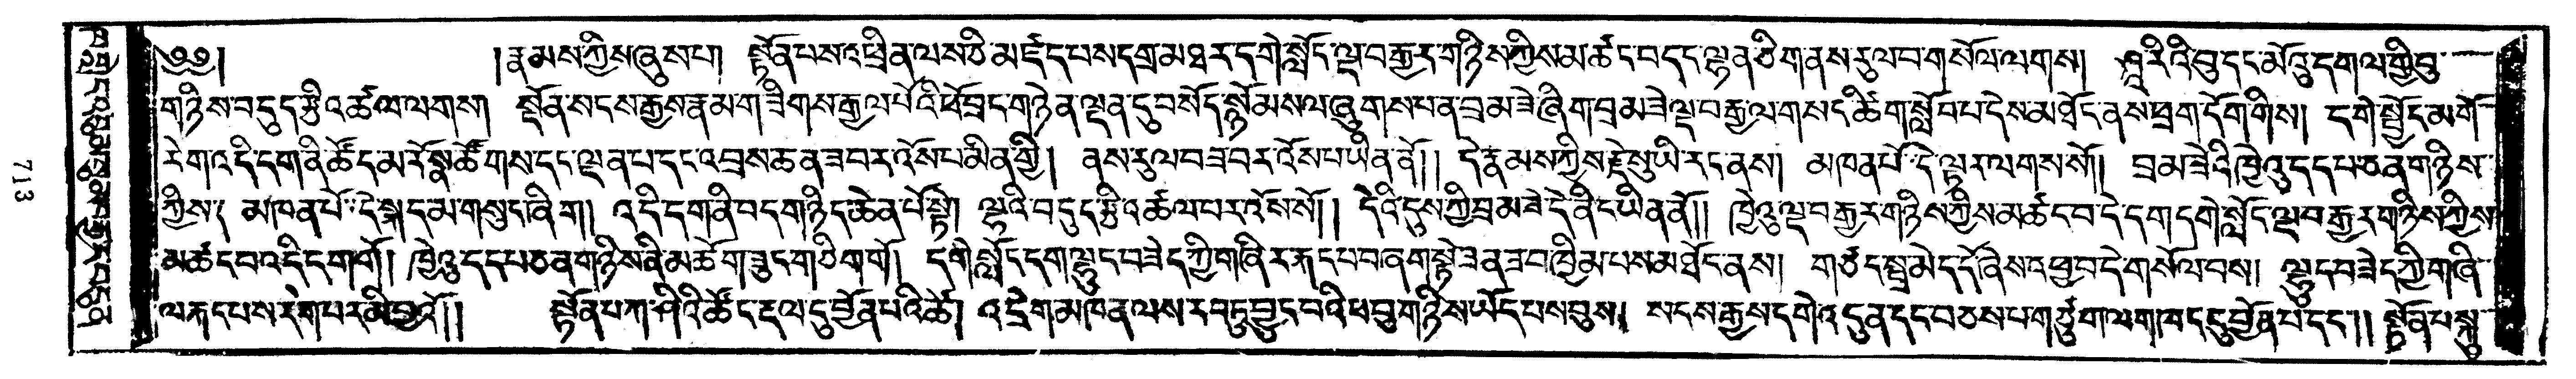༄༅། །རྣམས་ཀྱིས་ཞུས་པ། སྟོན་པས་འཕྲིན་ལས་ཅི་མཛད་པས་དགྲ་མཐར་དགེ་སློང་ལྔ་བརྒྱར་གཉིས་ཀྱིས་མ་ཚང་བ་དང་ལྷན་ཅིག་ནས་རུལ་བ་གསོལ་ལགས། ཤཱ་རིའི་བུ་དང་མོའུ་དགལ་གྱི་བུ་
གཉིས་བདུད་རྩི་འཚལ་ལགས། སྔོན་སངས་རྒྱས་རྣམ་གཟིགས་རྒྱལ་པོའི་ཕོ་བྲང་གཉེན་ལྡན་དུ་བསོད་སྙོམས་ལ་ཞུགས་པ་ན་བྲམ་ཟེ་ཞིག་བྲམ་ཟེ་ལྔ་བརྒྱ་ལ་གསང་ཚིག་སློབ་པ་དེས་མཐོང་ནས་ཕྲག་དོག་གིས། དགེ་སྦྱོང་མགོ་
རེག་འདི་དག་ནི་ཚོད་མ་རོ་སྣ་ཚོགས་དང་ལྡན་པ་དང་འབྲས་ཆན་ཟ་བར་འོས་པ་མིན་གྱི། ནས་རུལ་བཟ་བར་འོས་པ་ཡིན་ནོ།། དེ་རྣམས་ཀྱིས་རྗེ་སུ་ཡི་རང་ནས། མཁན་པོ་དེ་ལྟར་ལགས་སོ།། བྲམ་ཟེའི་ཁྱེའུ་དད་པ་ཅན་གཉིས་
ཀྱིས༑ མཁན་པོ་དེ་སྐད་མ་གསུང་ཞིག། འདི་དག་ནི་བདག་ཉིད་ཆེན་པོ་སྟེ། ལྷའི་བདུད་རྩི་འཚལ་པར་འོས་སོ།། དེའི་དུས་ཀྱི་བྲམ་ཟེ་དེ་ནི་ང་ཡིན་ནོ།། ཁྱེའུ་ལྔ་བརྒྱར་གཉིས་ཀྱིས་མ་ཚང་བ་དེ་དག་དགེ་སློང་ལྔ་བརྒྱར་གཉིས་ཀྱིས་
མཚང་བ་འདི་དག་གོ། ཁྱེའུ་དད་པ་ཅན་གཉིས་ནི་མཆོག་ཟུང་གཅིག་གོ། དགེ་སློང་དག་ལྷུང་བཟེད་ཀྱི་གཞིར་རྐང་པ་བཞག་སྟེ་ཟན་ཟབ་ཁྱིམ་པས་མཐོང་ནས། གཙང་སྦྲ་མེད་དོ་ཞེས་འཕྱ་བ་དེ་གསོལ་བས། ལྷུང་བཟེད་ཀྱི་གཞི་
ལ་རྐང་པས་རེག་པར་མི་བྱའོ།། སྟོན་པ་ཀ་ཤིའི་ཚོང་རྡལ་དུ་བྱོན་པའི་ཚེ། འདྲེག་མཁན་ལས་རབ་ཏུ་བྱུང་བའི་ཕ་བུ་གཉིས་ཡོད་པས་བུས། སངས་རྒྱས་དགེ་འདུན་དང་བཅས་པ་གཙུག་ལག་ཁང་དུ་བྱོན་པ་དང།། སྟོན་པ་སྐུ་